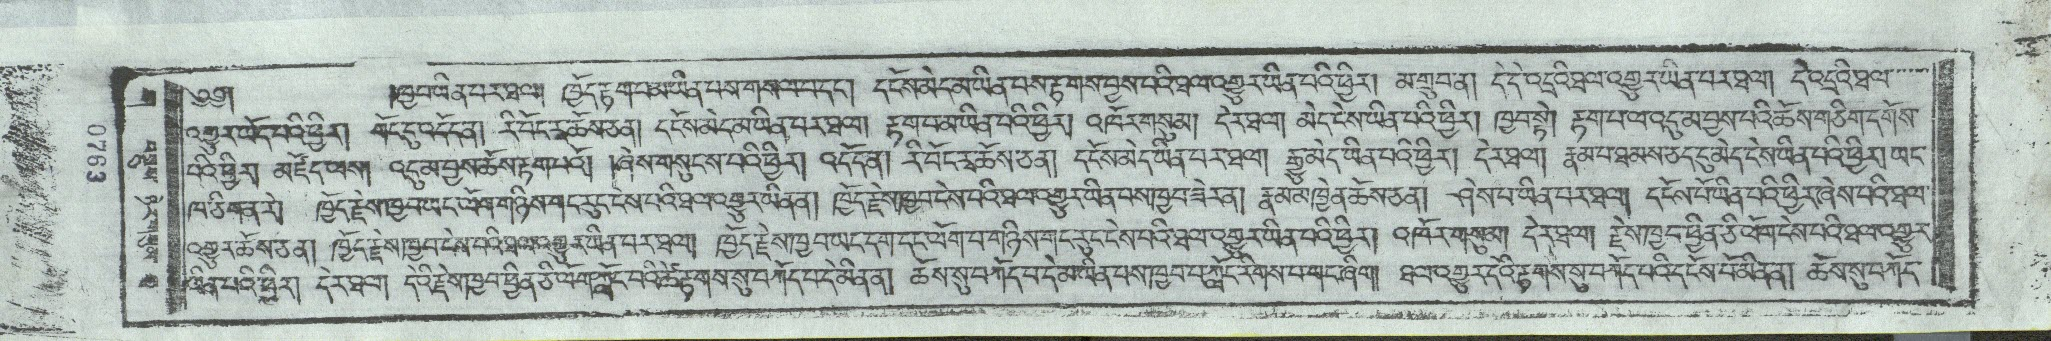༄༅། །ཁྱབ་ཡིན་པར་ཐལ། ཁྱོད་རྟག་པ་མ་ཡིན་པས་གསལ་བ་དང་། དངོས་མེད་མ་ཡིན་པས་རྟགས་བྱས་པའི་ཐལ་འགྱུར་ཡིན་པའི་ཕྱིར། མ་གྲུབ་ན། དེ་དེ་འདྲའི་ཐལ་འགྱུར་ཡིན་པར་ཐལ། དེ་འདྲའི་ཐལ་
འགྱུར་ཡོད་པའི་ཕྱིར། གོང་དུ་འདོད་ན། རི་བོང་རྭ་ཆོས་ཅན། དངོས་མེད་མ་ཡིན་པར་ཐལ། རྟག་པ་མ་ཡིན་པའི་ཕྱིར། འཁོར་གསུམ། དེར་ཐལ། མེད་ངེས་ཡིན་པའི་ཕྱིར། ཁྱབ་སྟེ། རྟག་པ་ལ་འདུ་མ་བྱས་པའི་ཆོས་གཅིག་དགོས་
པའི་ཕྱིར། མཛོད་ལས། འདུ་མ་བྱས་ཆོས་རྟག་པའོ། །ཞེས་གསུངས་པའི་ཕྱིར། འདོད་ན། རི་བོང་རྭ་ཆོས་ཅན། དངོས་མེད་ཡིན་པར་ཐལ། རྒྱུ་མེད་ཡིན་པའི་ཕྱིར། དེར་ཐལ། རྣམ་པ་ཐམས་ཅད་དུ་མེད་ངེས་ཡིན་པའི་ཕྱིར། ཡང་
ཁ་ཅིག་ན་རེ། ཁྱོད་རྗེས་ཁྱབ་ཡང་ལོག་གཉིས་གང་རུང་ངེས་པའི་ཐལ་འགྱུར་ཡིན་ན། ཁྱོད་རྗེས་ཁྱབ་ངེས་པའི་ཐལ་འགྱུར་ཡིན་པས་ཁྱབ་ཟེར་ན། རྣམ་མཁྱེན་ཆོས་ཅན། ཤེས་པ་ཡིན་པར་ཐལ། དངོས་པོ་ཡིན་པའི་ཕྱིར་ཞེས་པའི་ཐལ་
འགྱུར་ཆོས་ཅན། ཁྱོད་རྗེས་ཁྱབ་ངེས་པའི་ཐལ་འགྱུར་ཡིན་པར་ཐལ། ཁྱོད་རྗེས་ཁྱབ་ཡང་དག་དང་ལོག་པ་གཉིས་གང་རུང་ངེས་པའི་ཐལ་འགྱུར་ཡིན་པའི་ཕྱིར། འཁོར་གསུམ། དེར་ཐལ། རྗེས་ཁྱབ་ཕྱིན་ཅི་ལོག་ངེས་པའི་ཐལ་འགྱུར་
ཡིན་པའི་ཕྱིར། དེར་ཐལ། དེའི་རྗེས་ཁྱབ་ཕྱིན་ཅི་ལོག་ཀློང་བའི་ཚེ་རྟགས་སུ་བཀོད་པ་དེ་མིན་ན། ཆོས་སུ་བཀོད་པ་དེ་མ་ཡིན་པས་ཁྱབ་པ་ཀློང་རིགས་པ་གང་ཞིག། ཐལ་འགྱུར་དེའི་རྟགས་སུ་བཀོད་པའི་དངོས་པོ་མིན་ན། ཆོས་སུ་བཀོད་